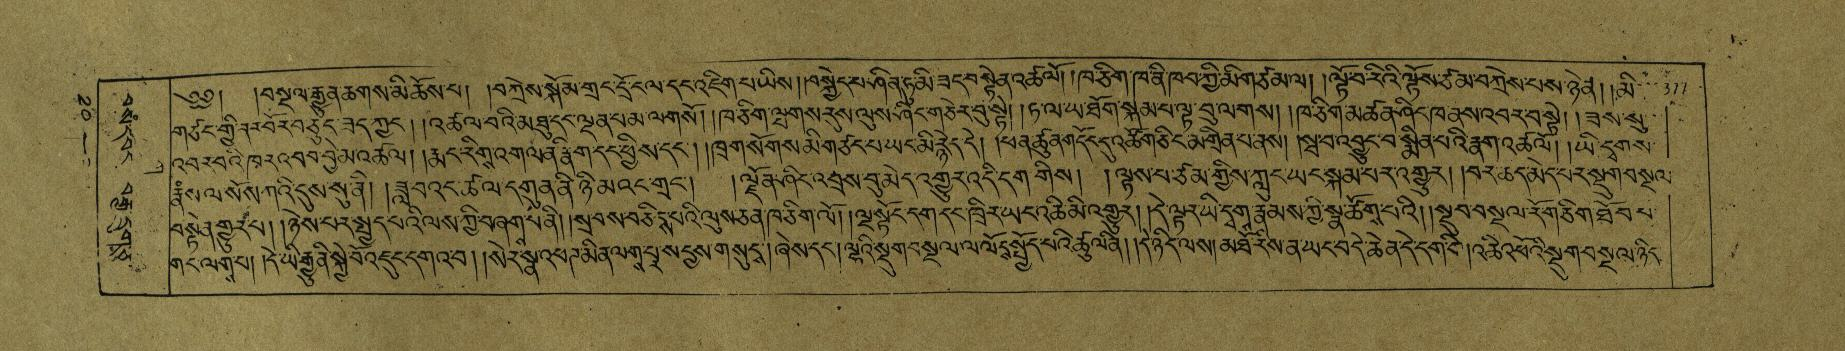༄༅། །བསྔལ་རྒྱུན་ཆགས་མི་ཆོས་པ། །བཀྲེས་སྐོམ་གྲང་དྲོ་ངལ་དང་འཇིག་པ་ཡིས། །བསྐྱེད་པ་ཤིན་ཏུ་མི་ཟད་བསྟེན་འཚལོ། །ཁ་ཅིག་ཁ་ནི་ཁབ་ཀྱི་མིག་ཙམ་ལ། །ལྟོ་བ་རིའི་ལྟོས་ཙམ་བཀྲེས་པས་ཉེན། །མི་
གཙང་གྱི་ནར་བོར་བ་ཅུང་ཟད་ཀྱང་། །འཚལ་བའི་མཐུ་དང་ལྡན་པ་མ་ལགསོ། །ཁ་ཅིག་ལྤགས་རུས་ལུས་ཤིང་གཅེར་བུ་སྟེ། །ཏ་ལ་ཡ་ཐོག་སྐམ་པ་ལྟ་བུ་ལགས། །ཁ་ཅིག་མཚན་ཤིང་ཁ་ནས་འབར་བ་སྟེ། །ཟས་སུ་
འབར་བའི་ཁར་འབབ་བྱེ་མ་འཚལ། །རྨང་རིགས་འགལ་ན་རྣིག་དང་ཕྱི་ས་དང་། །ཁྲག་སོགས་མི་གཙང་པ་ཡང་མི་རྙེད་དེ། །ཕན་ཚུན་གདོང་དུ་འཚོག་ཅིང་མགྲིན་པ་ནས། །སྦ་བ་འབྱུང་བ་སྨིན་པའི་རྣག་འཚལོ། །ཡི་དྭགས་
རྣཾས་ལ་སོས་ཀའི་དུས་སུ་ནི། །ཟླ་བའང་ཚ་ལ་དགུན་ནི་ཉི་མའང་གྲང་། །ལྗོན་ཤིང་འབྲས་བུ་མེད་འགྱུར་འདི་དག་གིས། །ལྟས་པ་ཙམ་གྱིས་ཀླུང་ཡང་སྐམ་པར་འགྱུར། །བར་ཆད་མེད་པར་སྡུག་བསྔལ་
བསྟེན་གྱུར་པ། །ཉེས་པར་སྤྱད་པའི་ལས་ཀྱི་བཞག་པ་ནི། །སྲ་བས་བཅིངས་པའི་ལུས་ཅན་ཁ་ཅིག་ལོ། །ལྔ་སྟོང་དག་དང་ཁྲིར་ཡང་འཆི་མི་འགྱུར། །དེ་ལྟར་ཡི་དྭགས་རྣམས་ཀྱི་སྣ་ཚོགས་པའི། །སྡུབ་བསྔལ་རོ་གཅིག་ཐོབ་པ་
གང་ལགས་པ། །དེ་ཡི་རྒྱུ་ནི་སྐྱེ་བོ་འཇུང་དགའ་བ། །སེར་སྣ་འཕཊ་མིན་ལགས་པར་སདྱས་གསུངས། ཞེས་དང་། ལྷའི་སྡུག་བསྔལ་ལ་ལོངས་སྤྱོད་པའི་ཚུལ་ནི། །དེ་ཉིད་ལས། མཐོ་རིས་ན་ཡང་བདེ་ཆེན་དེ་དག་གི། འཆི་འཕོའི་སྡུག་བསྔལ་ཉིད་